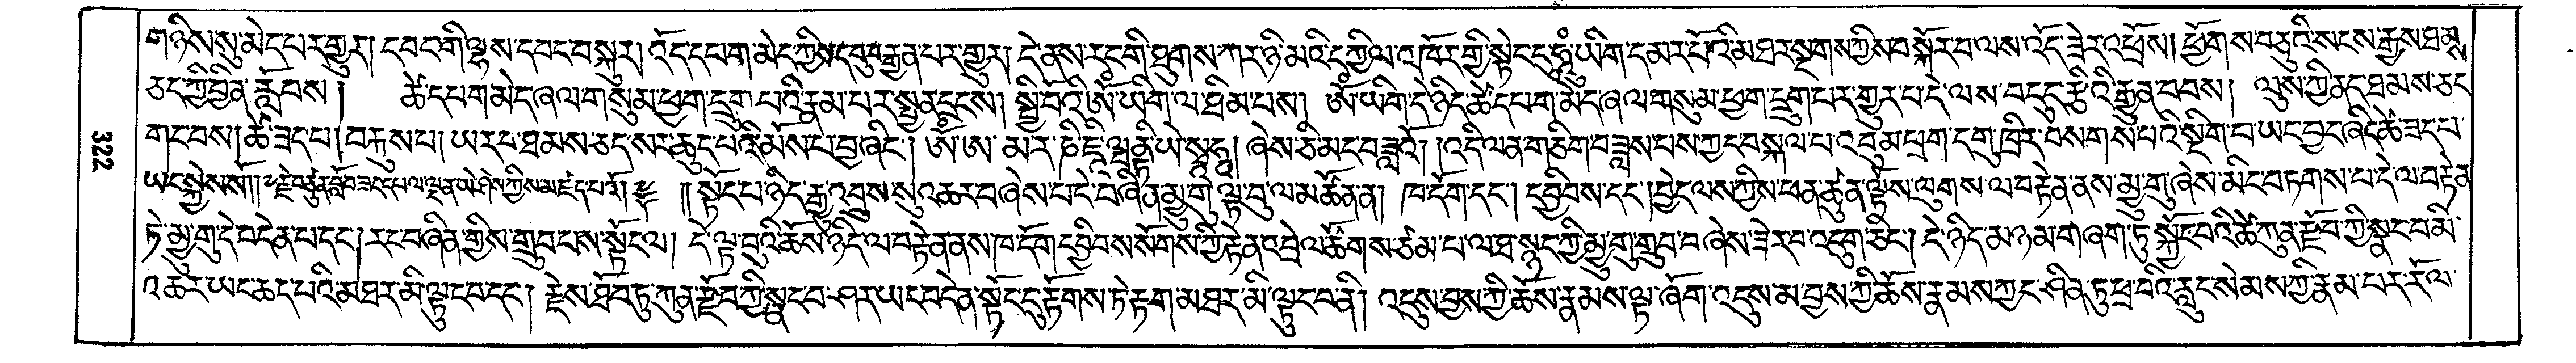གཉིས་སུ་མེད་པར་གྱུར། དབང་གི་ལྷས་དབང་བསྐུར། འོད་དཔག་མེད་ཀྱིས་དབུ་བརྒྱན་པར་གྱུར། དེ་ནས་རང་གི་ཐུགས་ཀར་ཉི་མའི་དཀྱིལ་འཁོར་གྱི་སྟེང་དུ་ཧཱུཾ་ཡིག་དམར་པོའི་མཐར་སྔགས་ཀྱིས་བསྐོར་བ་ལས་འོད་ཟེར་འཕྲོས། ཕྱོགས་བཅུའི་སངས་རྒྱས་ཐམས་
ཅད་ཀྱི་བྱིན་རླབས། ཚེ་དཔག་མེད་ཞལ་གསུམ་ཕྱག་དྲུག་པའི་རྣམ་པར་སྤྱན་དྲངས། སྤྱི་བོའི་ཨོཾ་ཡིག་ལ་ཐིམ་པས། ཨོཾ་ཡིག་ངེ་ཉིད་ཚེ་དཔག་མེད་ཞལ་གསུམ་ཕྱག་དྲུག་པར་གྱུར་པ་དེ་ལས་བདུད་རྩིའི་རྒྱུན་བབས། ལུས་ཀྱི་ནང་ཐམས་ཅད་
གང་བས། ཚེ་ཟད་པ། བརྐུས་པ། ཡར་བ་ཐམས་ཅད་སོར་ཆུད་པའི་མོས་པ་བྱ་ཞིང་། ཨོཾ་ཨ་མ་ར་ཎི་ཛཱི་ཝནྟི་ཡེ་སྭཱ་ཧཱ། ཞེས་ཅི་མང་བཟླའོ། །འདི་ལན་གཅིག་བཟླས་པས་ཀྱང་བསྐལ་པ་འབུམ་ཕྲག་དགུ་ཁྲིར་བསགས་པའི་སྡིག་པ་ཡང་བྱང་ཞིང་ཚེ་ཟད་པ་
ཡང་སྐྱེས་སོ།། རྗེ་བཙུན་བློ་བཟང་དཔལ་ལྡན་ཡེ་ཤེས་ཀྱིས་མཛད་བའོ།། ༈།།སྟོང་པ་ཉིད་རྒྱུ་འབྲས་སུ་འཆར་བ་ཞེས་པ་དེ་བཞིན་མྱུ་གུ་ལྟ་བུ་ལ་མཚོན་ན། ཁ་དོག་དང་། དབྱིབས་དང་། བྱེད་ལས་ཀྱིས་ཕན་ཚུན་ལྟོས་ལུགས་ལ་བརྟེན་ནས་མྱུ་གུ་ཞེས་མིང་བཏགས་བ་དེ་ལ་བརྟེན་
ཏེ་མྱུ་གུ་དེ་བདེན་པ་དང་། རང་བཞིན་གྱིས་གྲུབ་པས་སྟོང་བ། དེ་ལྟ་བུའི་ཆོས་ཉིད་ལ་བརྟེན་ནས་ཁ་དོག་དབྱིབས་སོགས་ཀྱི་རྟེན་འབྲེལ་ཚོགས་ཙམ་པ་ལ་ཐ་སྙད་ཀྱི་མྱུ་གུ་གྲུབ་པ་ཞེས་ཟེར་བ་འདུག་ཅིང་། དེ་ཉིད་མཉམ་གཞག་ཏུ་སྐྱོང་བའི་ཚེ་ཀུན་རྫོབ་ཀྱི་སྣང་བ་མི་
འཆར་ཡང་ཆད་པའི་མཐར་མི་ལྟུང་བ་དང་། རྗེས་ཐོབ་ཏུ་ཀུན་རྫོབ་ཀྱི་སྣང་བ་ཤར་ཡང་བདེན་སྟོང་དུ་རྟོགས་ཏེ་རྟག་མཐར་ཨུམི་ལྟུང་བ་ནི། འདུས་བྱས་ཀྱི་ཆོས་རྣམས་ལྟ་ཞོག་འདུས་མ་བྱས་ཀྱི་ཆོས་རྣམས་ཀྱང་ཤིན་ཏུ་ཕྲ་བའི་རླུང་སེམས་ཀྱི་རྣམ་པར་རོལ་